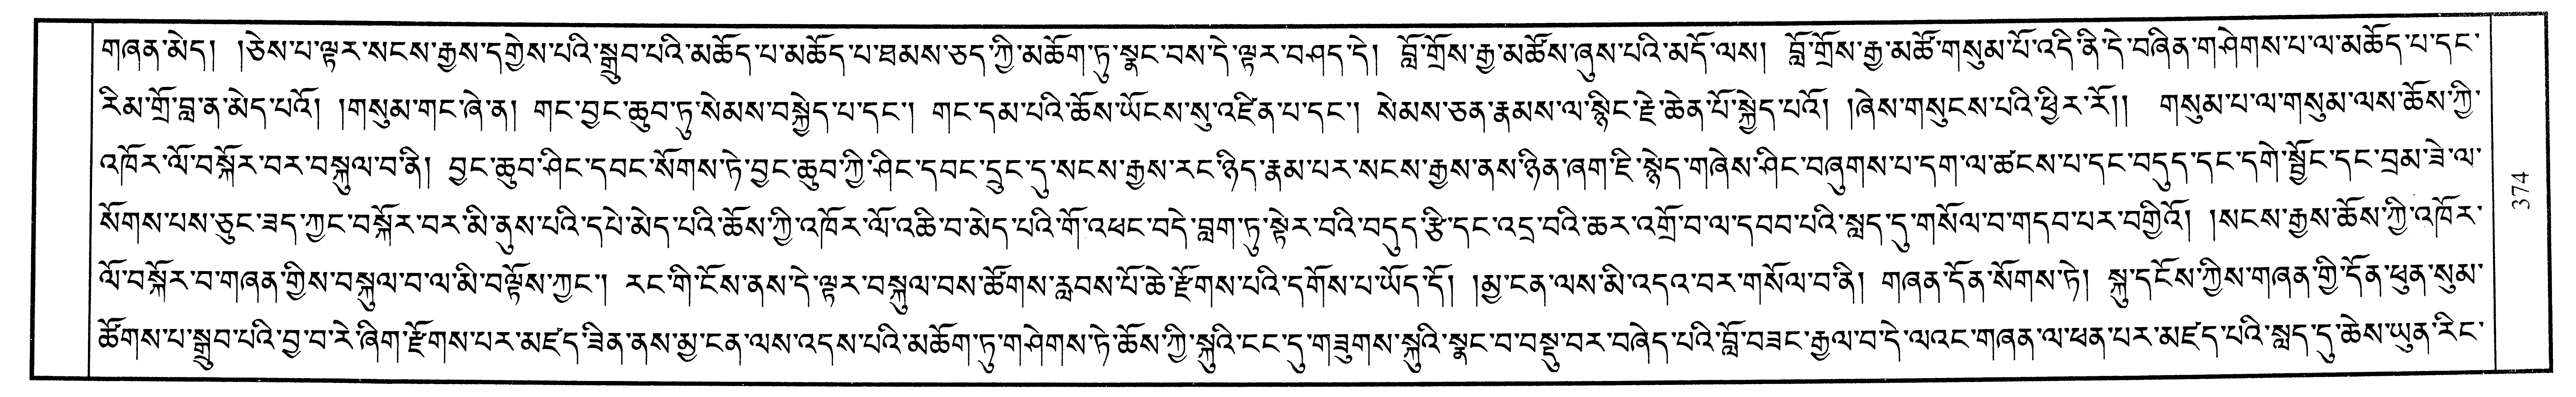གཞན་མེད། །ཅེས་པ་ལྟར་སངས་རྒྱས་དགྱེས་པའི་སྒྲུབ་པའི་མཆོད་པ་མཆོད་པ་ཐམས་ཅད་ཀྱི་མཆོག་ཏུ་སྣང་བས་དེ་ལྟར་བཤད་དེ། བློ་གྲོས་རྒྱ་མཚོས་ཞུས་པའི་མདོ་ལས། བློ་གྲོས་རྒྱ་མཚོ་གསུམ་པོ་འདི་ནི་དེ་བཞིན་གཤེགས་པ་ལ་མཆོད་པ་དང་
རིམ་གྲོ་བླ་ན་མེད་པའོ། །གསུམ་གང་ཞེ་ན། གང་བྱང་ཆུབ་ཏུ་སེམས་བསྐྱེད་པ་དང་། གང་དམ་པའི་ཆོས་ཡོངས་སུ་འཛིན་པ་དང་། སེམས་ཅན་རྣམས་ལ་སྙིང་རྗེ་ཆེན་པོ་སྐྱེད་པའོ། །ཞེས་གསུངས་པའི་ཕྱིར་རོ།། གསུམ་པ་ལ་གསུམ་ལས་ཆོས་ཀྱི་
འཁོར་ལོ་བསྐོར་བར་བསྐུལ་བ་ནི། བྱང་ཆུབ་ཤིང་དབང་སོགས་ཏེ་བྱང་ཆུབ་ཀྱི་ཤིང་དབང་དྲུང་དུ་སངས་རྒྱས་རང་ཉིད་རྣམ་པར་སངས་རྒྱས་ནས་ཉིན་ཞག་ཇི་སྙེད་གཞེས་ཤིང་བཞུགས་པ་དག་ལ་ཚངས་པ་དང་བདུད་དང་དགེ་སྦྱོང་དང་བྲམ་ཟེ་ལ་
སོགས་པས་ཅུང་ཟད་ཀྱང་བསྐོར་བར་མི་ནུས་པའི་དཔེ་མེད་པའི་ཆོས་ཀྱི་འཁོར་ལོ་འཆི་བ་མེད་པའི་གོ་འཕང་བདེ་བླག་ཏུ་སྟེར་བའི་བདུད་རྩི་དང་འདྲ་བའི་ཆར་འགྲོ་བ་ལ་དབབ་པའི་སླད་དུ་གསོལ་བ་གདབ་པར་བགྱིའོ། །སངས་རྒྱས་ཆོས་ཀྱི་འཁོར་
ལོ་བསྐོར་བ་གཞན་གྱིས་བསྐུལ་བ་ལ་མི་བལྟོས་ཀྱང་། རང་གི་ངོས་ནས་དེ་ལྟར་བསྐུལ་བས་ཚོགས་རླབས་པོ་ཆེ་རྫོགས་པའི་དགོས་པ་ཡོད་དོ། །མྱ་ངན་ལས་འདའ་བར་གསོལ་བ་ནི། གཞན་དོན་སོགས་ཏེ། སྐུ་དངོས་ཀྱིས་གཞན་གྱི་དོན་ཕུན་སུམ་
ཚོགས་པ་སྒྲུབ་པའི་བྱ་བ་རེ་ཞིག་རྫོགས་པར་མཛད་ཟིན་ནས་མྱ་ངན་ལས་འདས་པའི་མཆོག་ཏུ་གཤེགས་ཏེ་ཆོས་ཀྱི་སྐུའི་ངང་དུ་གཟུགས་སྐུའི་སྣང་བ་བསྡུ་བར་བཞེད་པའི་བློ་བཟང་རྒྱལ་བ་དེ་ལའང་གཞན་ལ་ཕན་པར་མཛད་པའི་སླད་དུ་ཆེས་ཡུན་རིང་